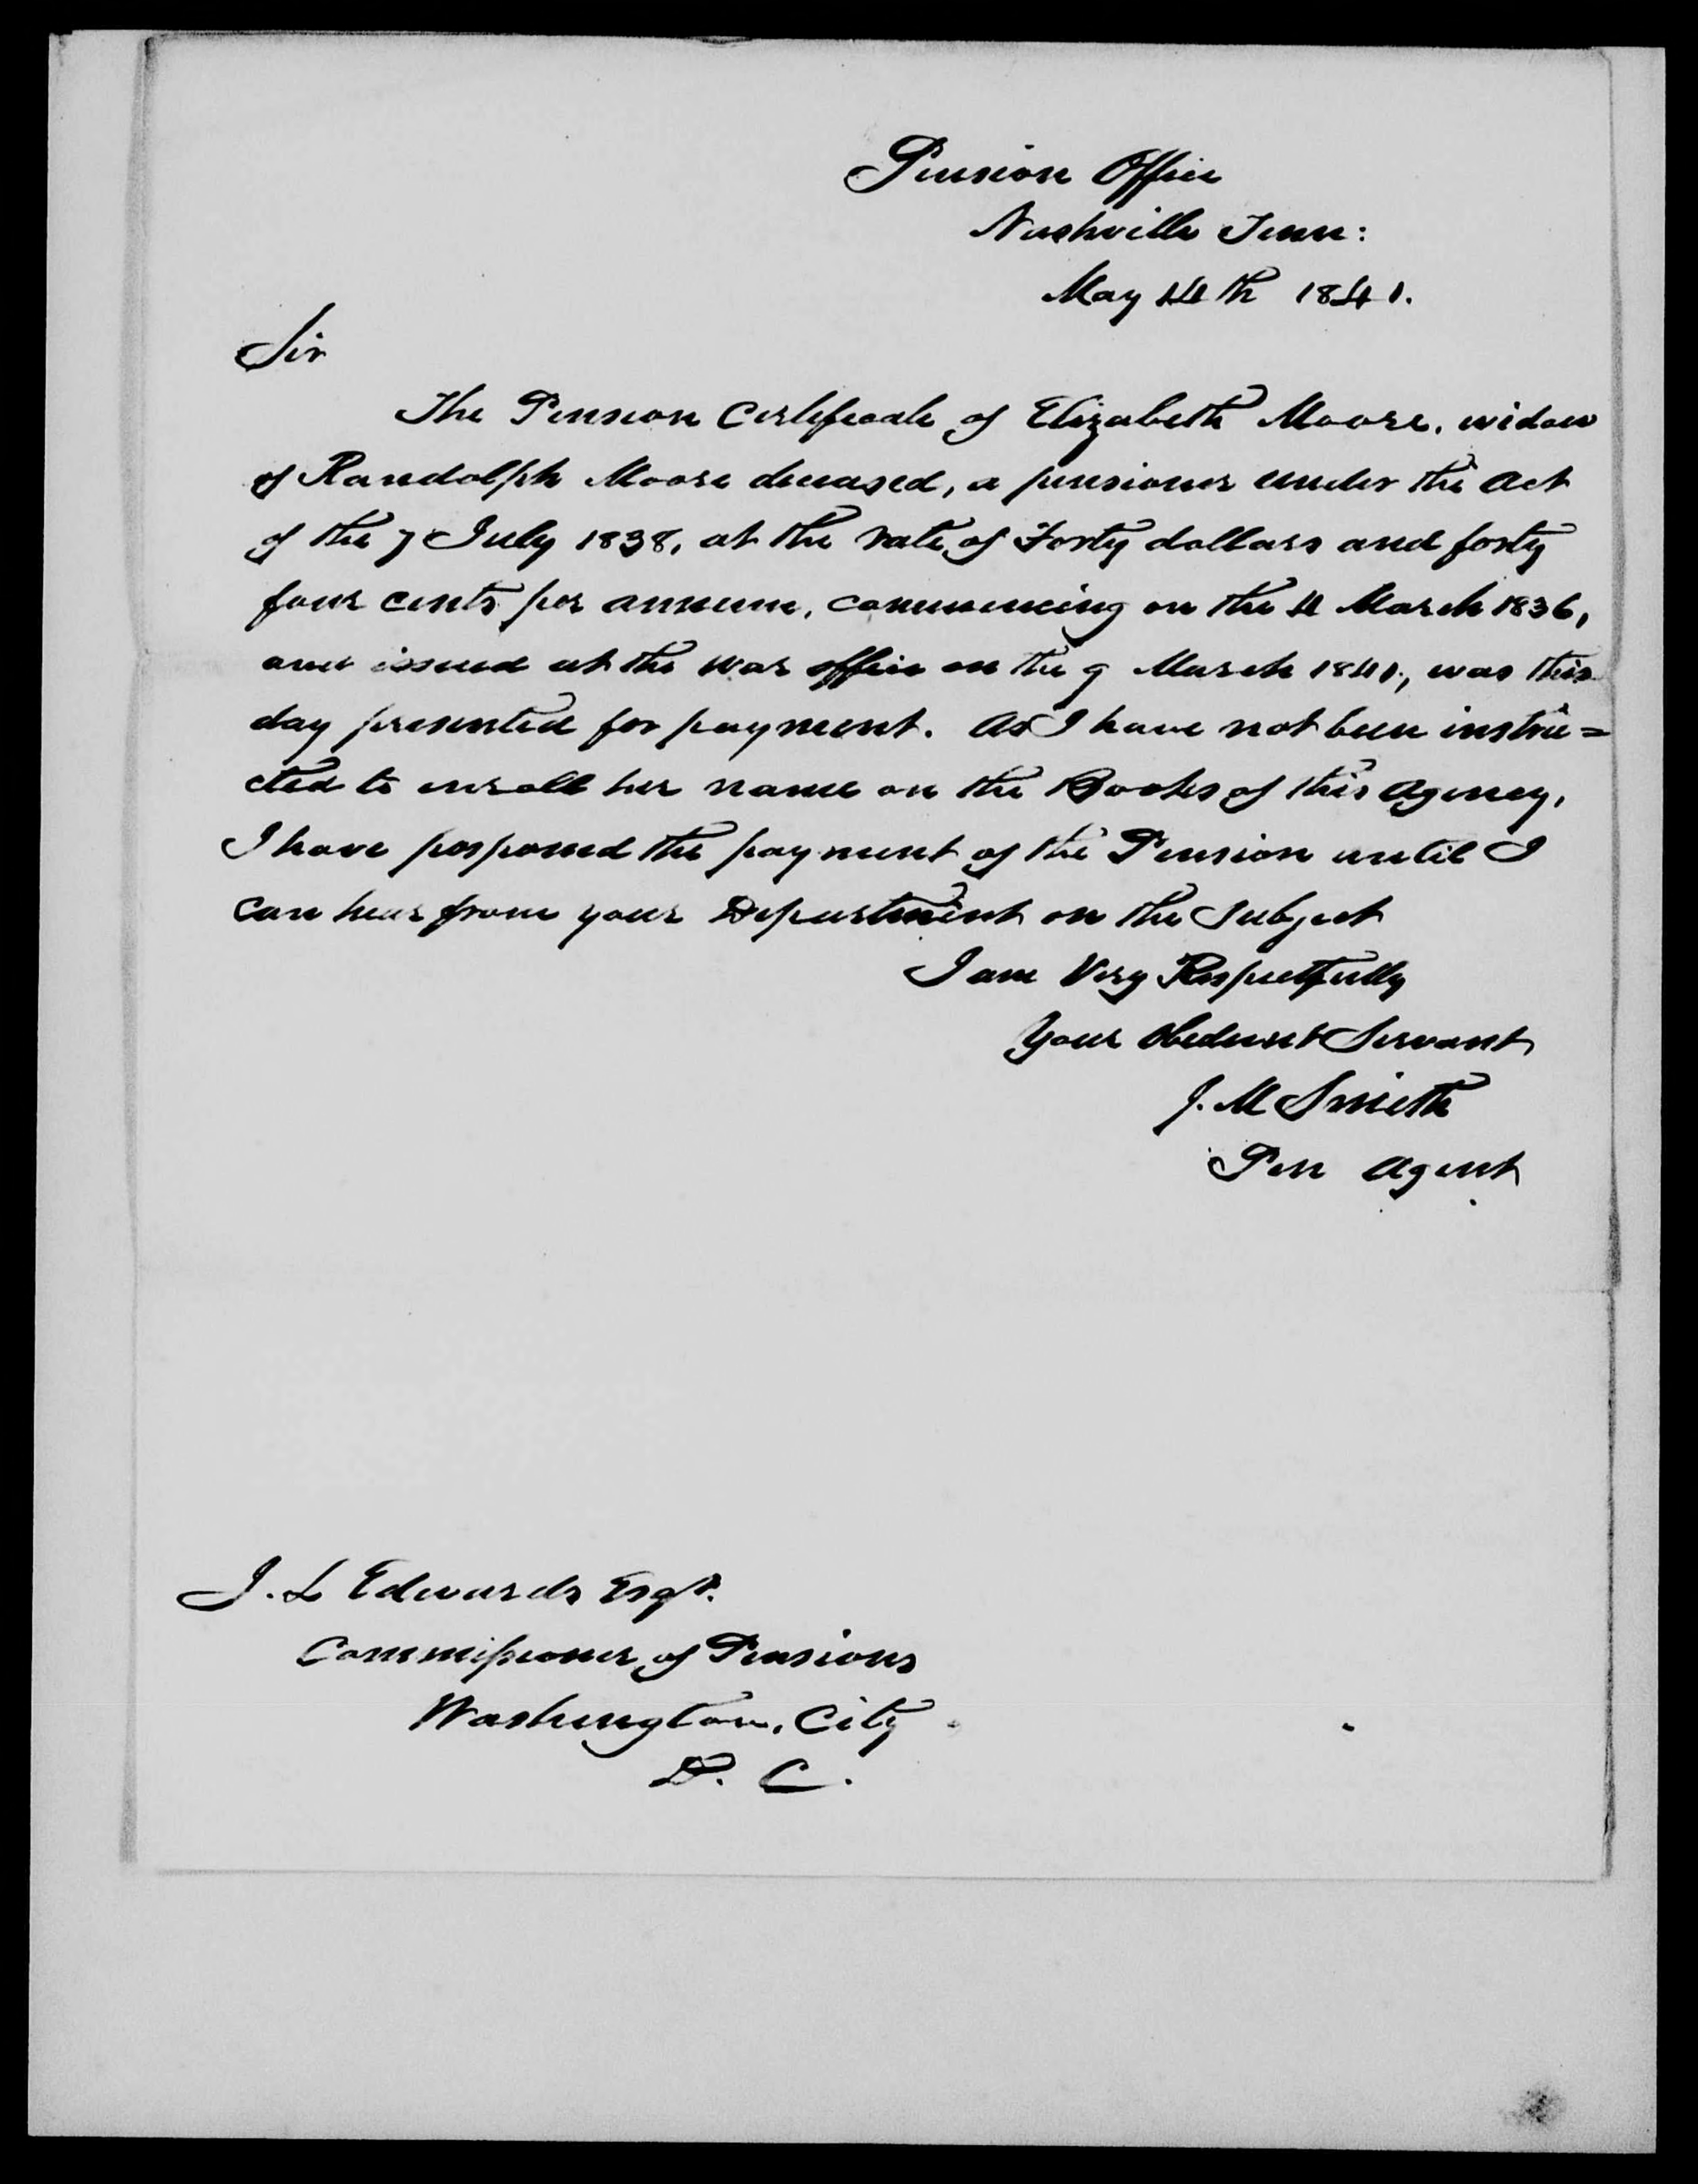Pension Office
Nashville Tenn:
May 16th 1841.

Sir

Th Pension Certificate of Elizabeth Moore, widow of Randolph Moore deceased, a pensioner under the act of the 7 July 1838, at the rate of Forty dollars and forty four cents per annum, commencing on the 4 March 1836, and issued at the war office on the 9 March 1841, was this day presented for payment. As I have not been instructed to enroll her name on the Books of this Agency, I have postponed the payment of the Penion until I can hear from your Department on the July act.
I am very Respectfully
Your Obedient Servant
[Signature]
J. M. Smith
Pen. Agent



J. L. Edwards Esq'r.
Commissioner of Pensions
Washington City
D. C.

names: Elizabeth Moore; Randolph Moore; J L Edwards; J M Smith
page: 20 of 33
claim: widow's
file: W. 52, for Randolph Moore, North Carolina